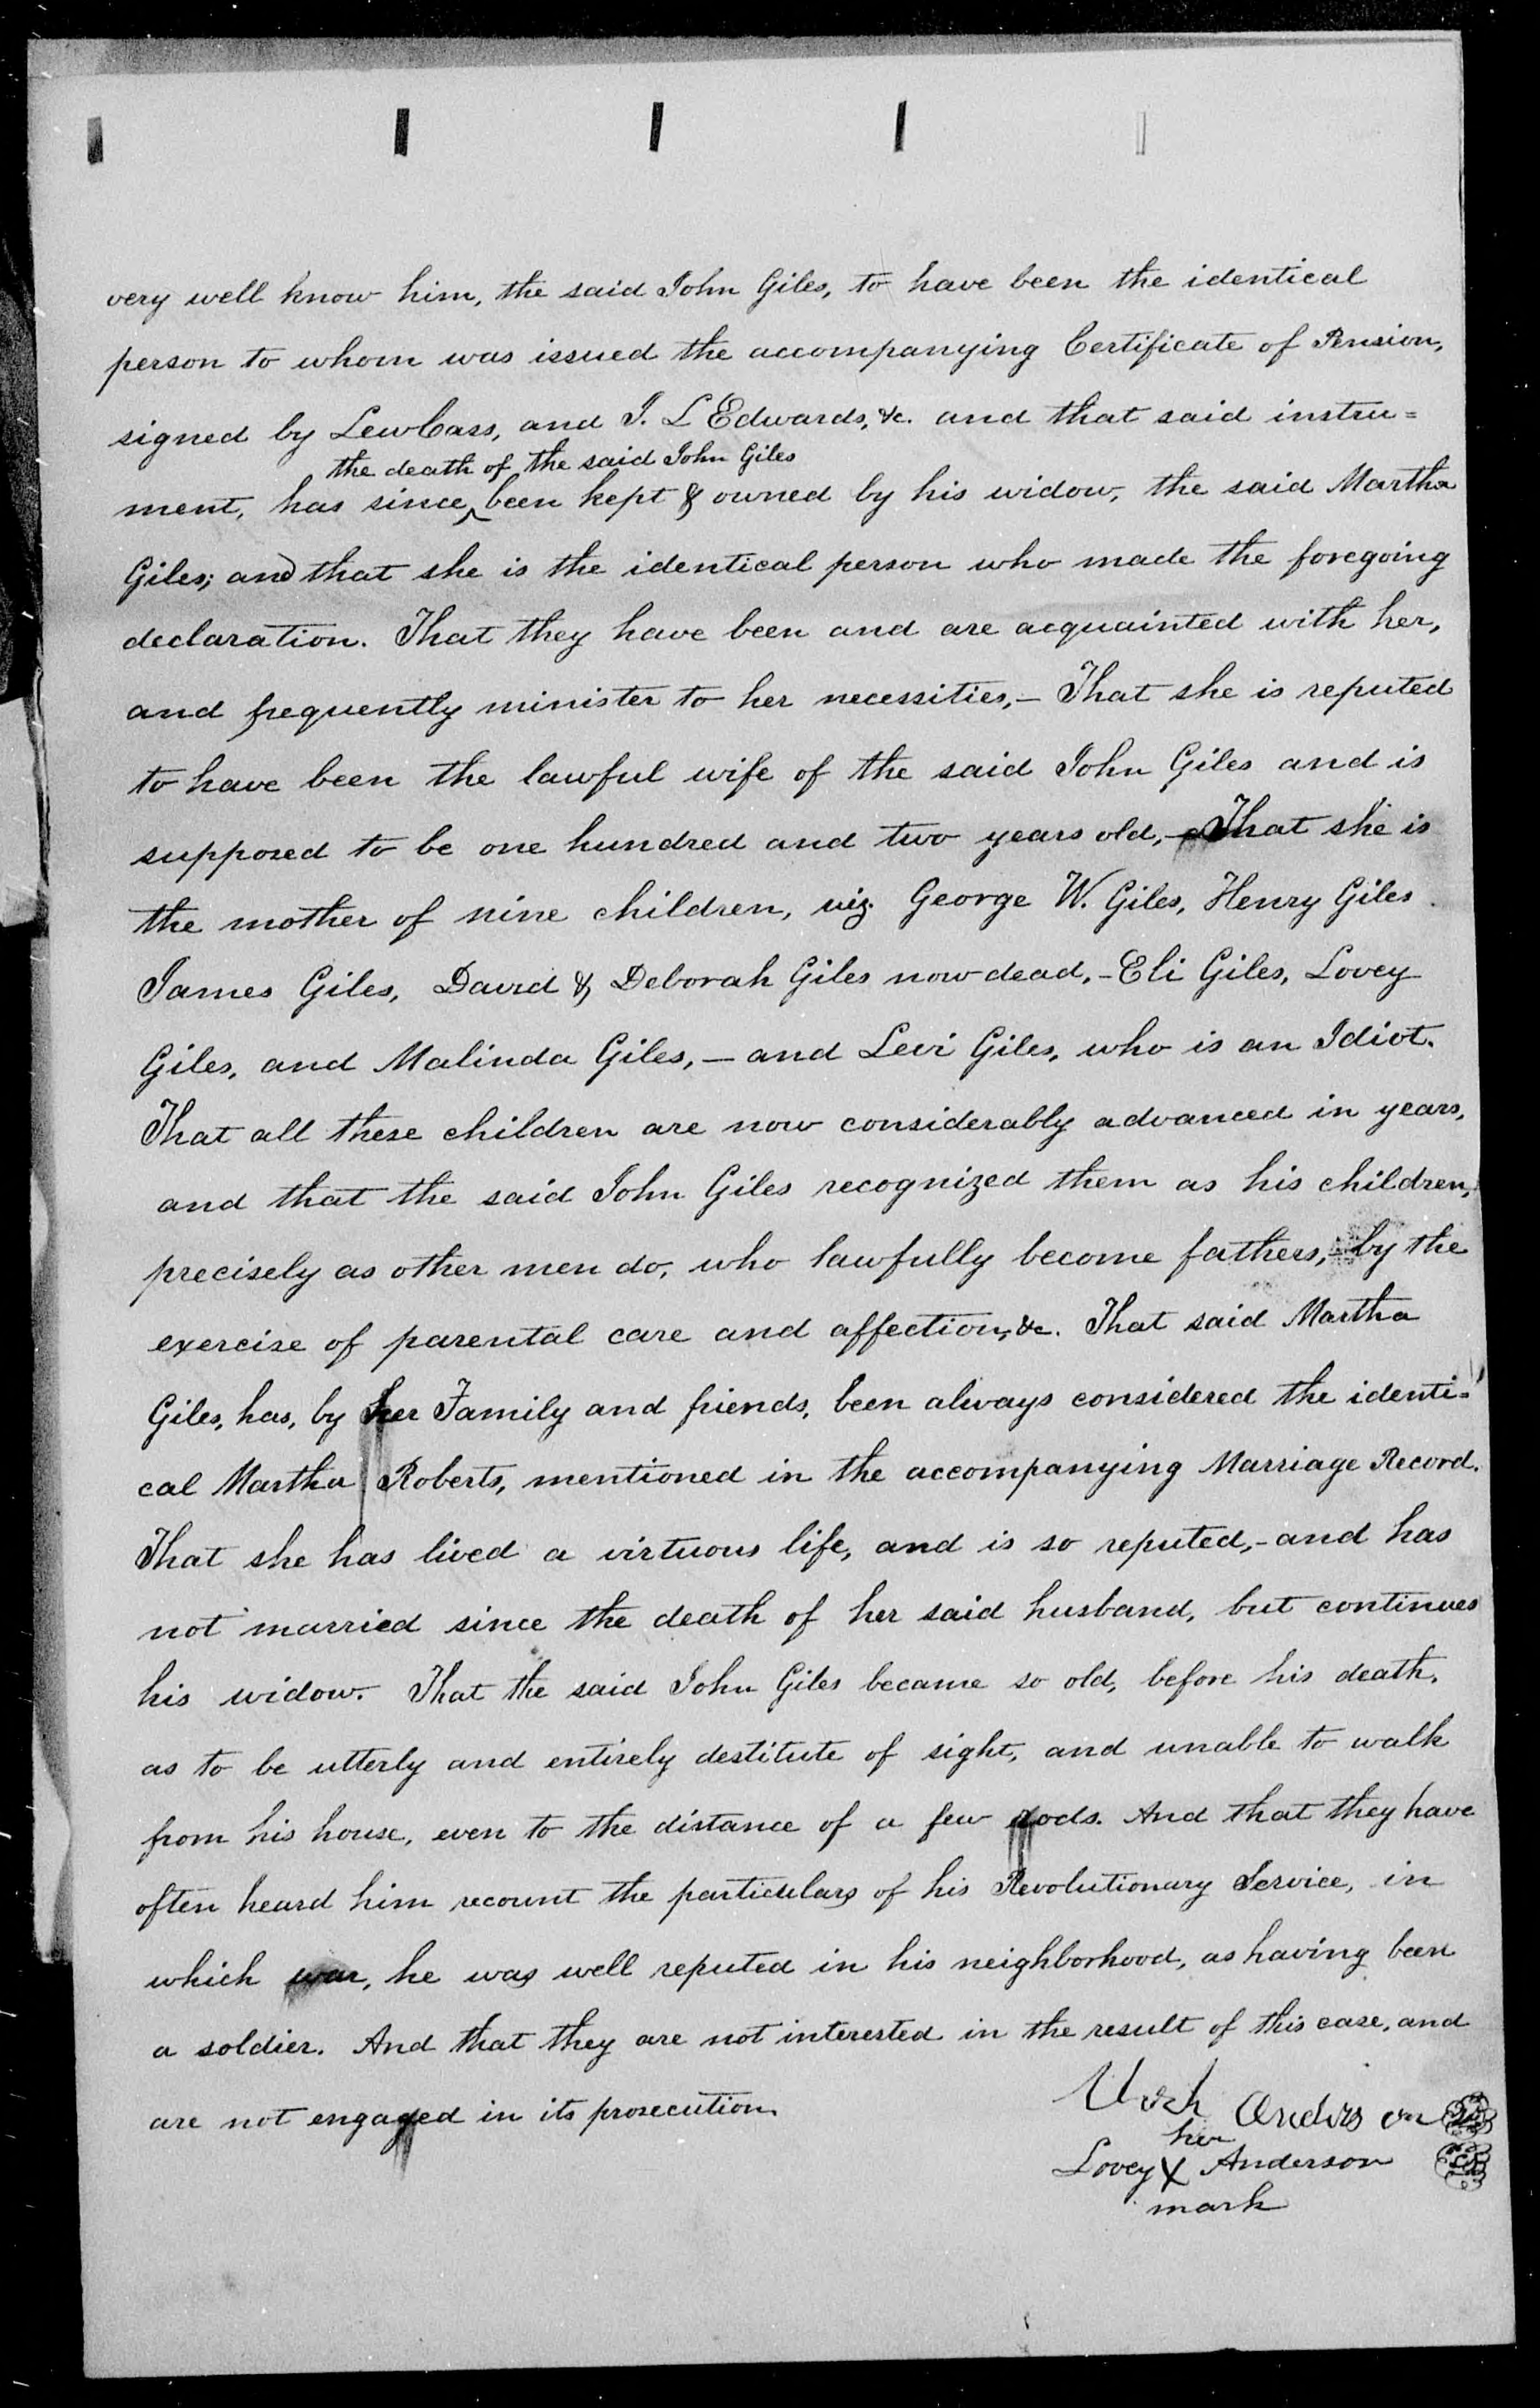verry well know him, the said John Giles, to have been thee identical person to whom was issued the accompanying Certificate of Pension, signed by Lewlass, and J.L. Edwards, and that said instrument has since the death of the said John Giles ben kept and owned by his widow, the said Martha Giles, and that she is the identical person who made the foregoing declaration. That they have been and are acquainted with her, and frequently minister to her necessities, that she is reputed to have been the lawful wife of the said John Giles and is supposed to be one hundred and two years old, That she is the mother of nine children, George W. Giles, Henry Giles, James Giles, David and Deborah Giles now dead, Eli Giles, Lovey Giles, and Malinda Giles, and Levi Giles, who is an Idiot. That all these children are now considerably advanced in years and that the said John Giles recognized them as his children, precisely as other men do, who lawfully become fathers, by the exercise of parental care and affection. That said Martha Giles, has by her family and friends, ben always considered the identical Martha Roberts, mentioned in the accompanying marriage record. That she has lived a virtuous life, and is so reputed, and has not married since the death of her said husband, but continues his widow. That the said John Giles became so old, before his death, as to be utterly and entirely destitute of sight, and unable to walk from his house, even to the distance of a few [ILLEGIBLE] And that they have often heard him recount the particulars of his Revolutionary Service, in which he was well reputed in his neighborhood, as having been a soldier. And that they are not interested in the result of this case, and are not engaged in its prosecution

Mark Anderson
Lovey her X mark Anderson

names: Lovey Giles, Malinda Giles, John Giles, Martha Giles, Deborah Giles, J L Edwards, Levi Giles, Mark Anderson, John Giles, Henry Giles, George W Giles, John Giles, Lew Cass, John Giles, Lovey Anderson, Eli Giles, Martha Roberts, John Giles, David Giles, James Giles, Martha Giles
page: 24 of 82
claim: widow's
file: W. 7,522, John Giles, N.C.